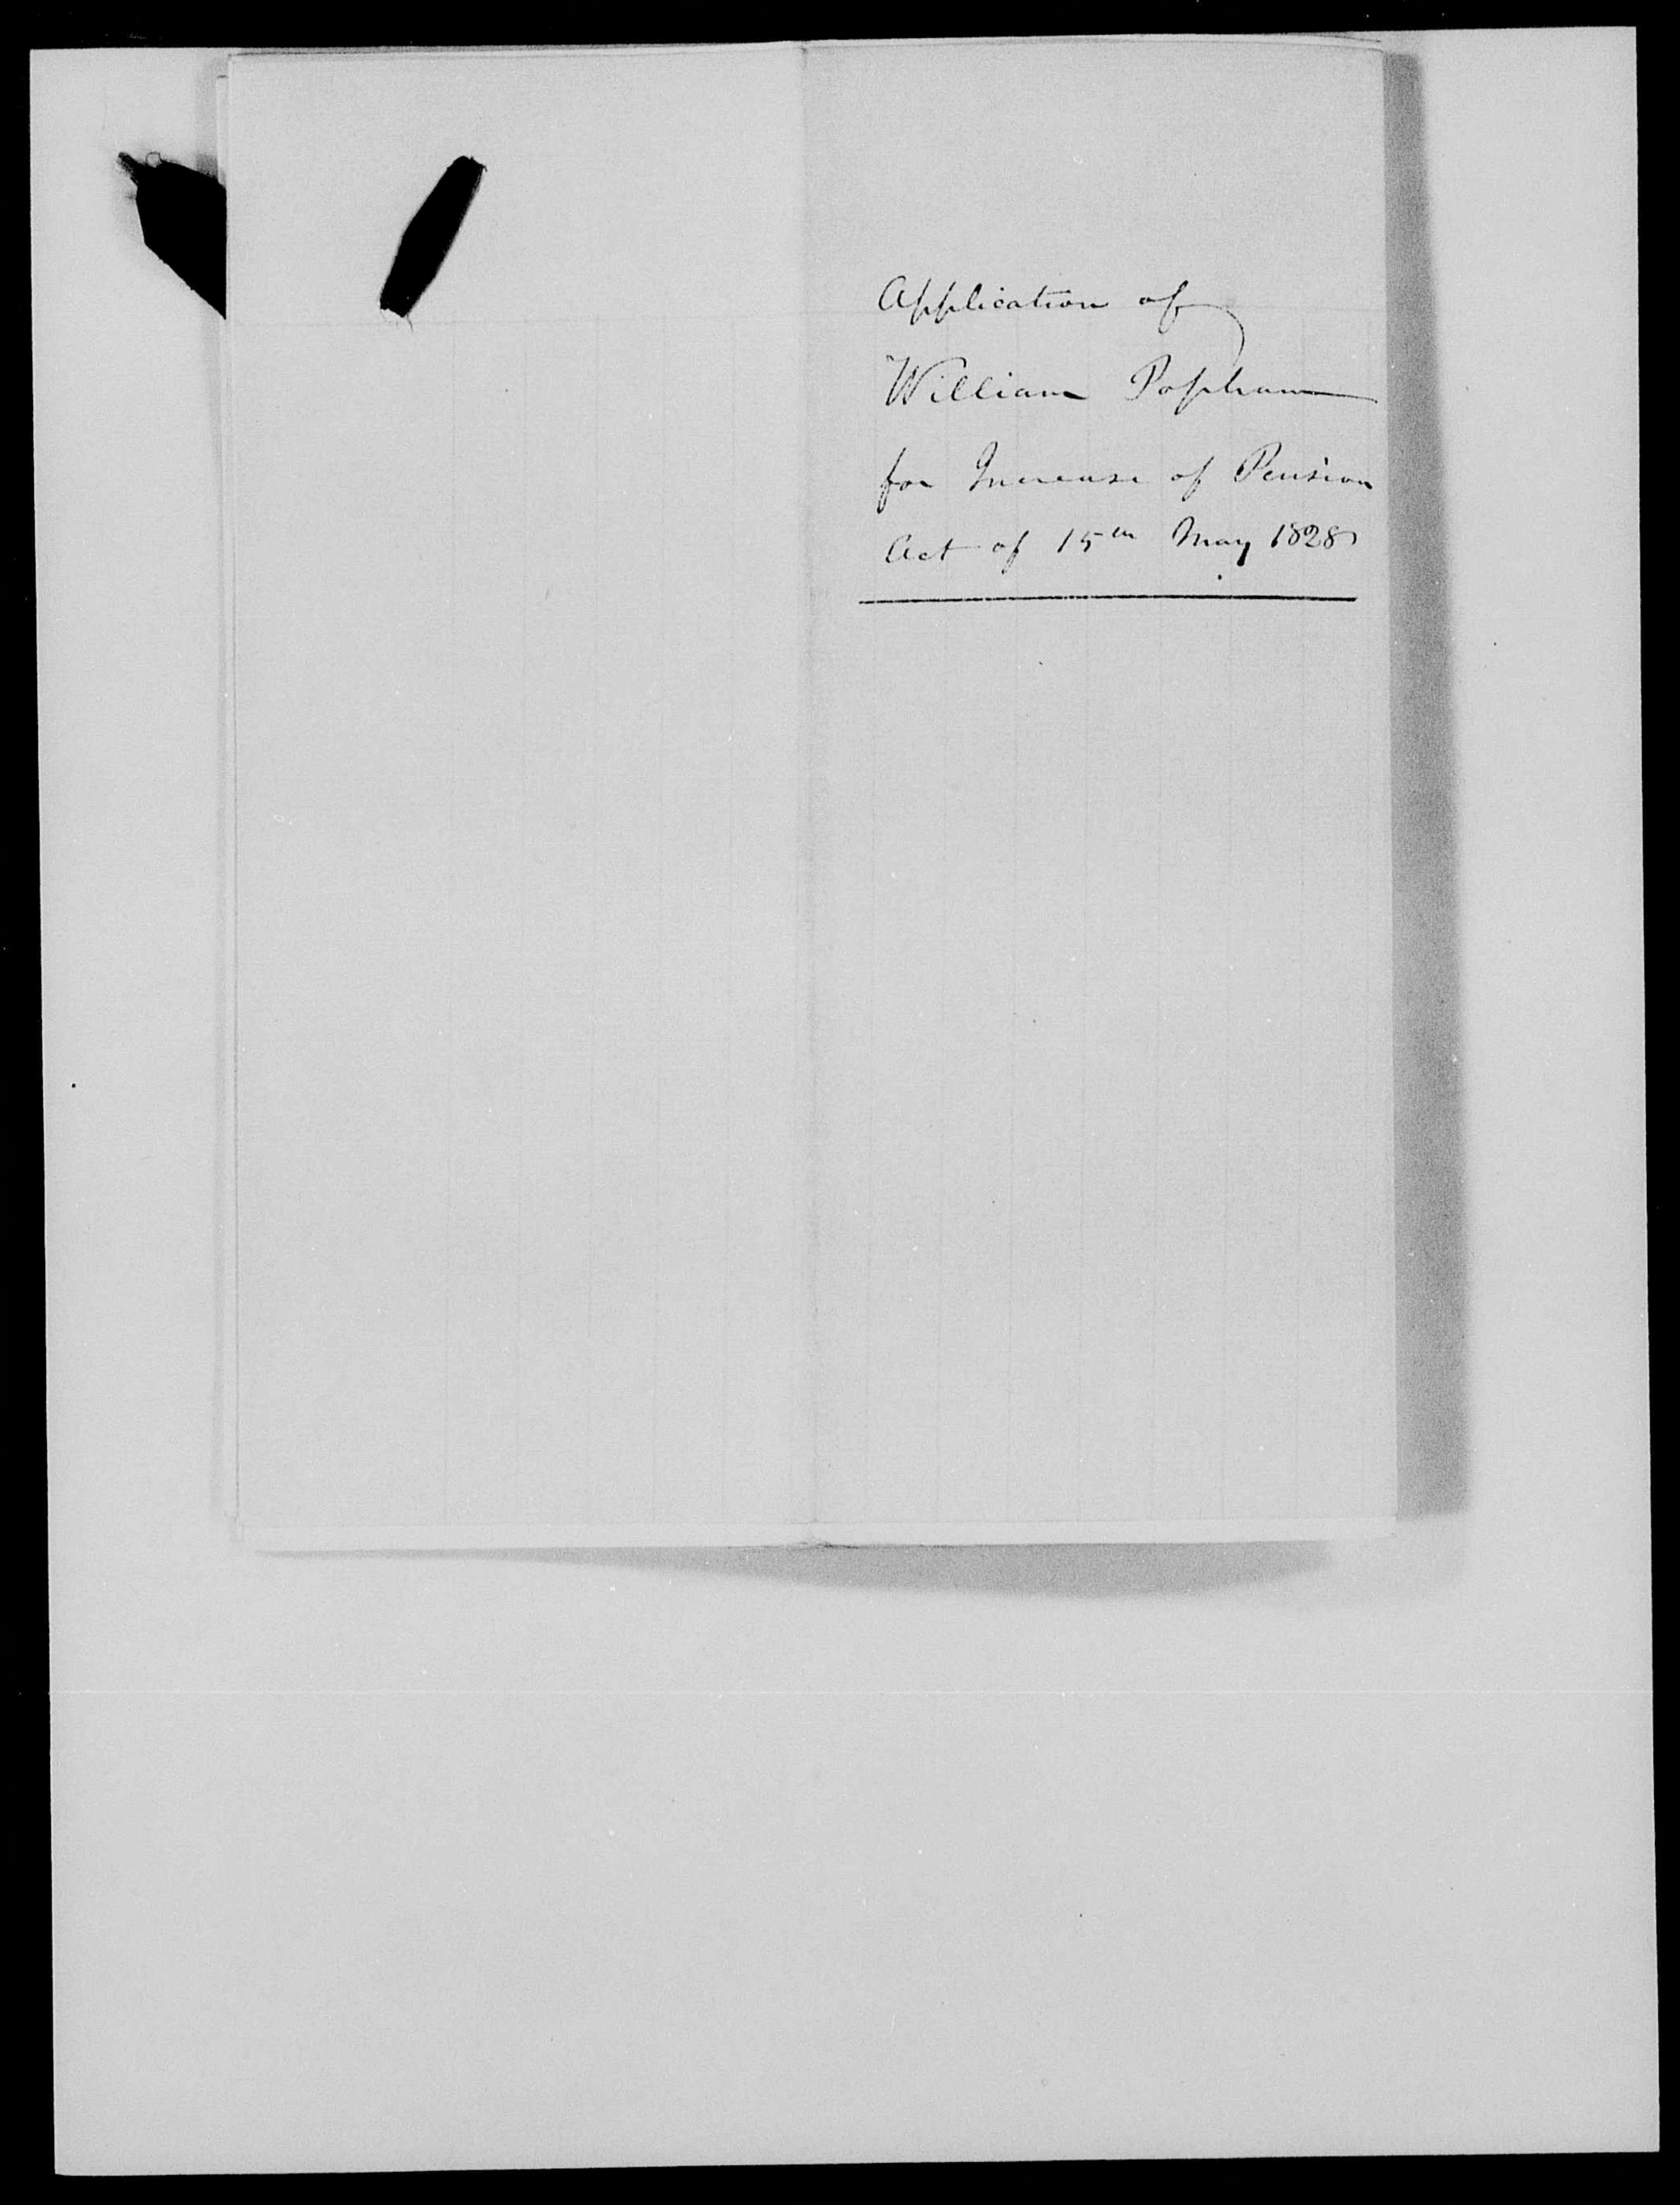Application of
William Popham
for Increase of Pension
act of 15th May 1828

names: William Popham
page: 55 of 75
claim: survivor's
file: S. 9989, for William Popham, Delaware